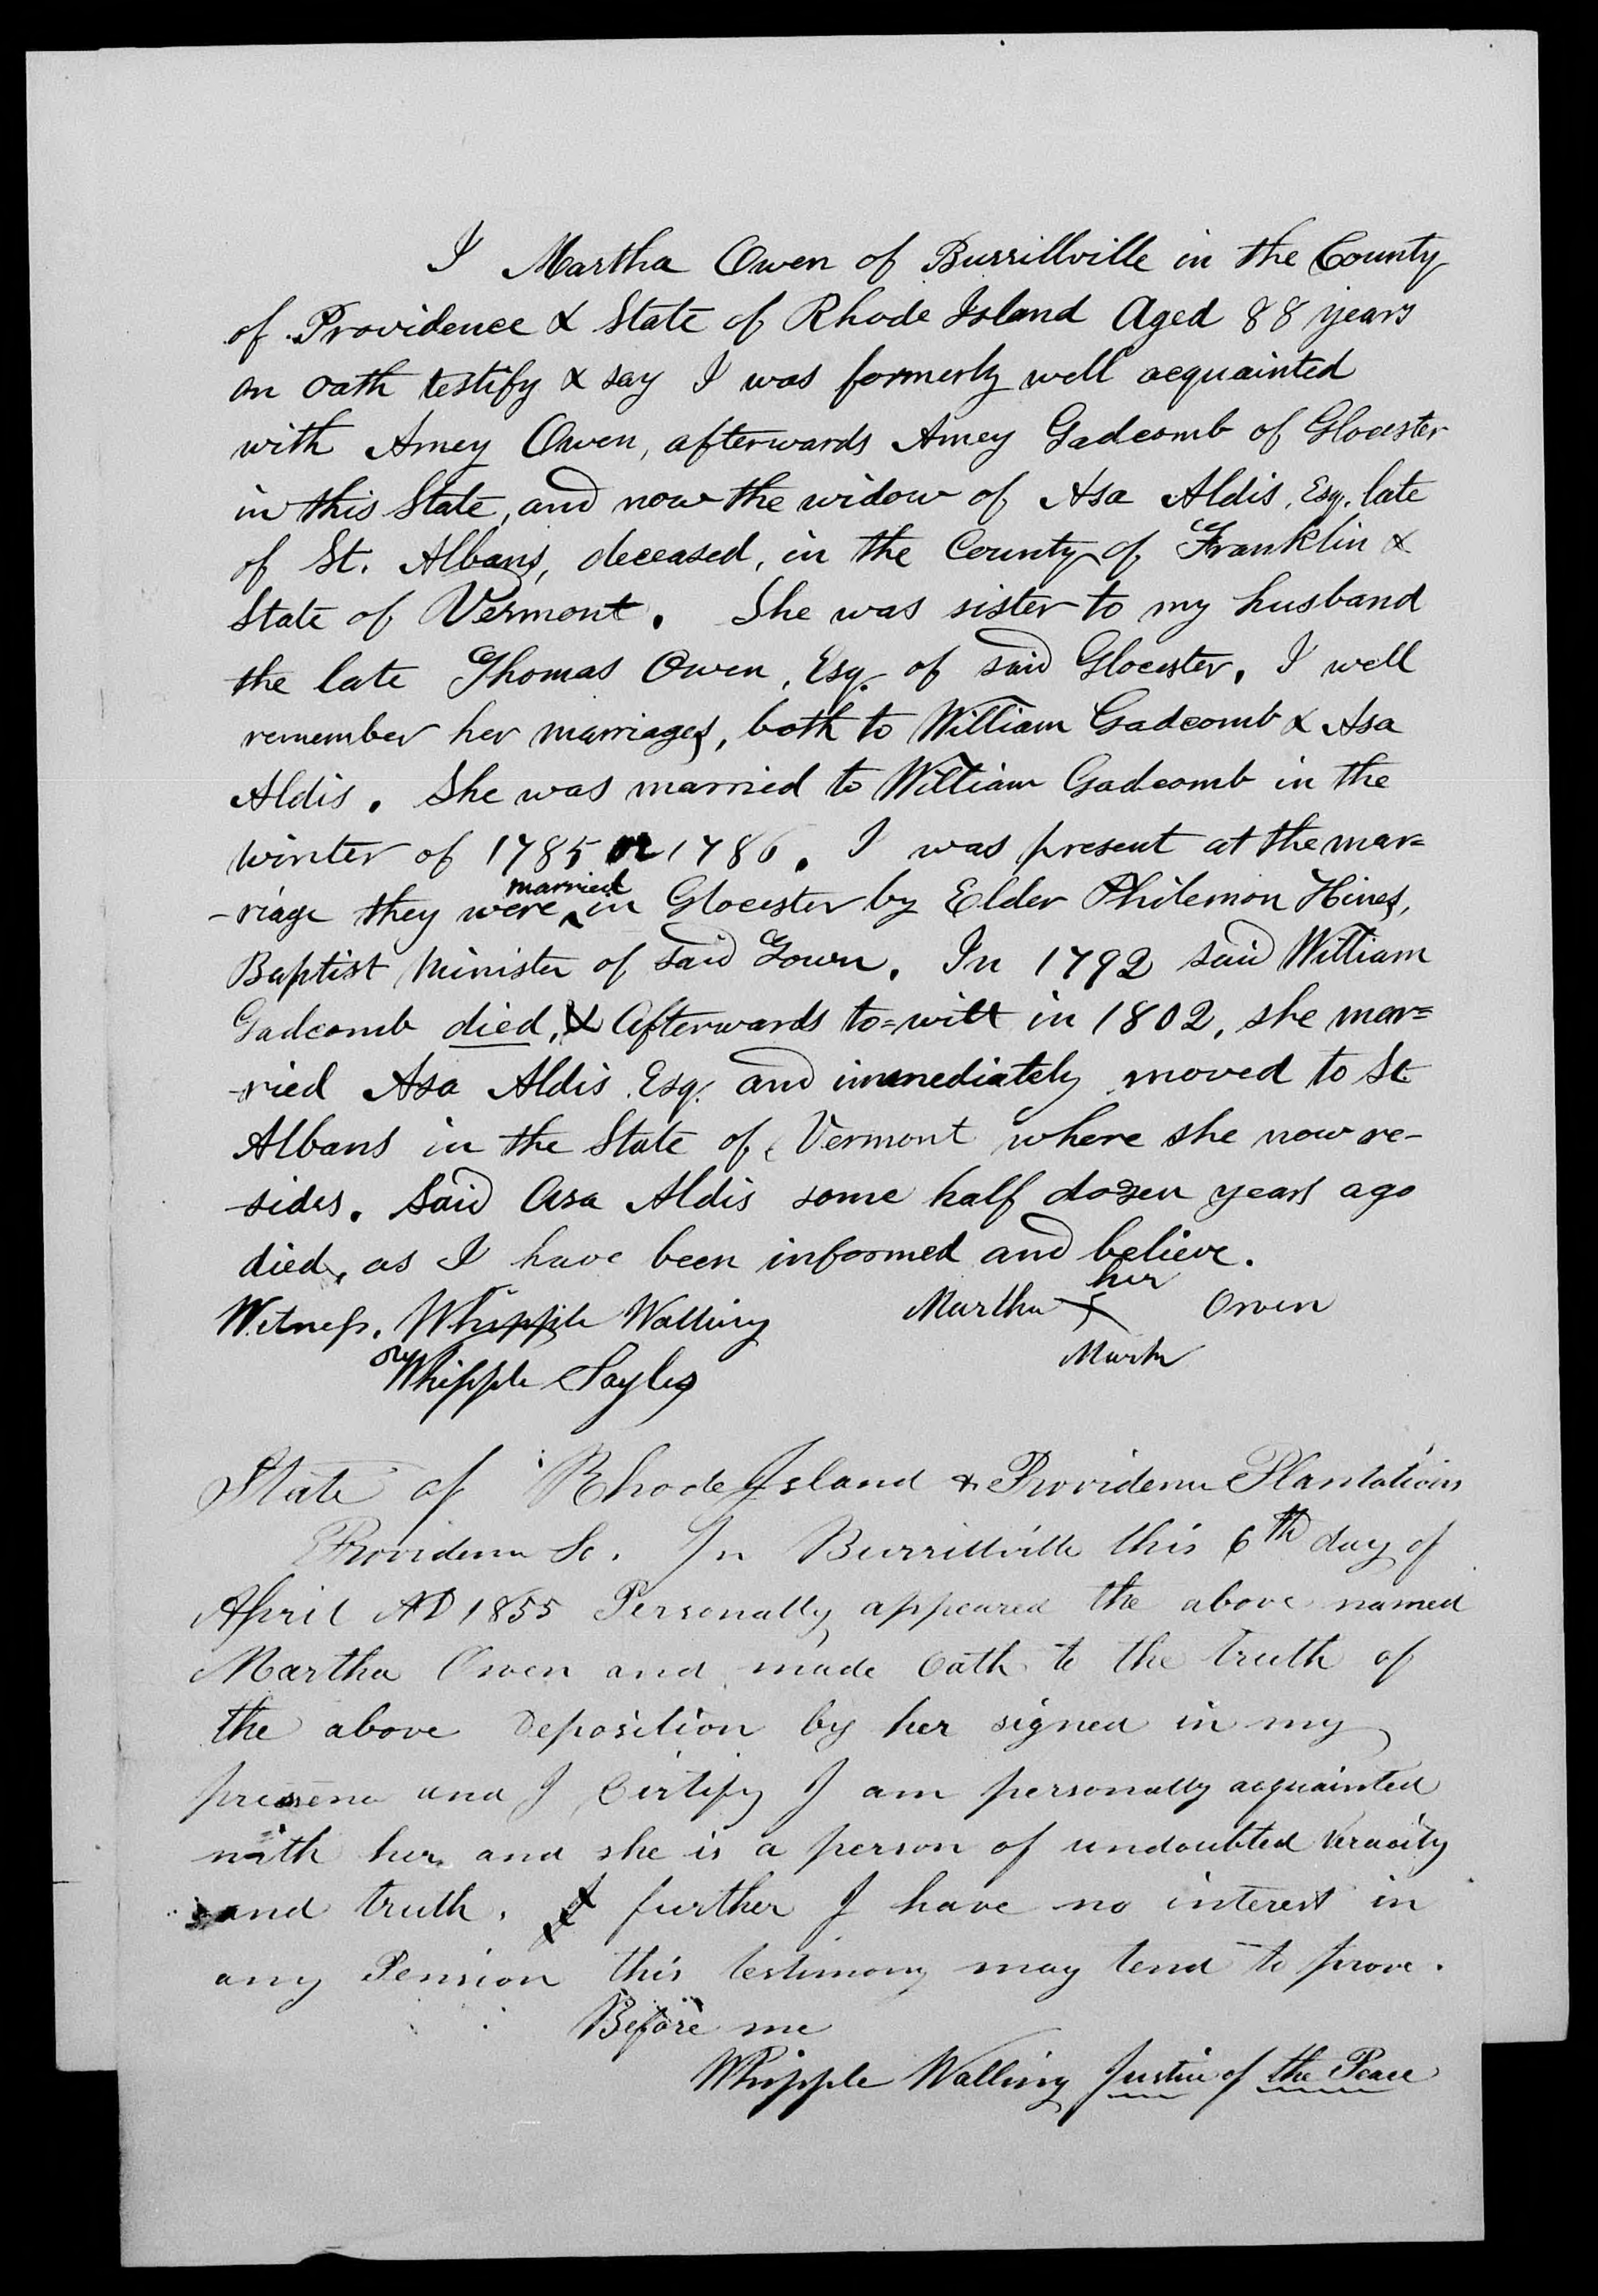I Martha Owen of Burrillville in the County of Providence and State of Rhode Island aged 88 years on oath testify and say I was formerly well acquainted with Amey Owen, afterwards Amey Gadcomb of Glocester in this State, and now the widow of Asa Aldis, Esq. late of St. Albans , deceased in the County of Franklin and State of Vermont. She was sister to my husband the late Thomas Owen, Esq. of said Glocester. I well remember her marriages, both to William Gadcomb and Asa Aldis. She was married to William Gadcomb in the winter of 1785 or 1786. I was present at the marriage they were married in Glocester by Elder Philemon Hines, Baptist minister of said town. In 1792, said William Gadcomb died and afterwards towith in 1802, she married Asa Aldis, Esq. and immediately moved to St. Albans in the State of Vermont where she now resides. Said Asa Aldis some half dozen years ago died as I have been informed and believe.
Martha her X mark Owen
Witnesses, Whipple Walling, Whipple Sayles
 State of Rhode Island and Providence Plantations
Providence sc. In Burrillville this 6th day of April A.D. 1855 Personally appeared the above named Martha Owen and made oath to the truth of the above deposition by her signed in my presence and I certify I am personally acquainted with her and she is a person of undoubted veracity and truth, further I have no interest in any pension this testimony may tend to prove.
Before me
Whipple Walling, Justice of the Peace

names: Asa Aldis, Martha Owen, Philemon Hines, Thomas Owen, Whipple Walling, Asa Aldis, Martha Owen, Asa Aldis, William Gadcomb, Whipple Sayles, Martha Owen, Amey Owen, Asa Aldis, William Gadcomb, Amey Gadcomb, William Gadcomb, Whipple Walling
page: 59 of 76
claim: widow's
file: W. 15,517, William Gadcomb, R.I.